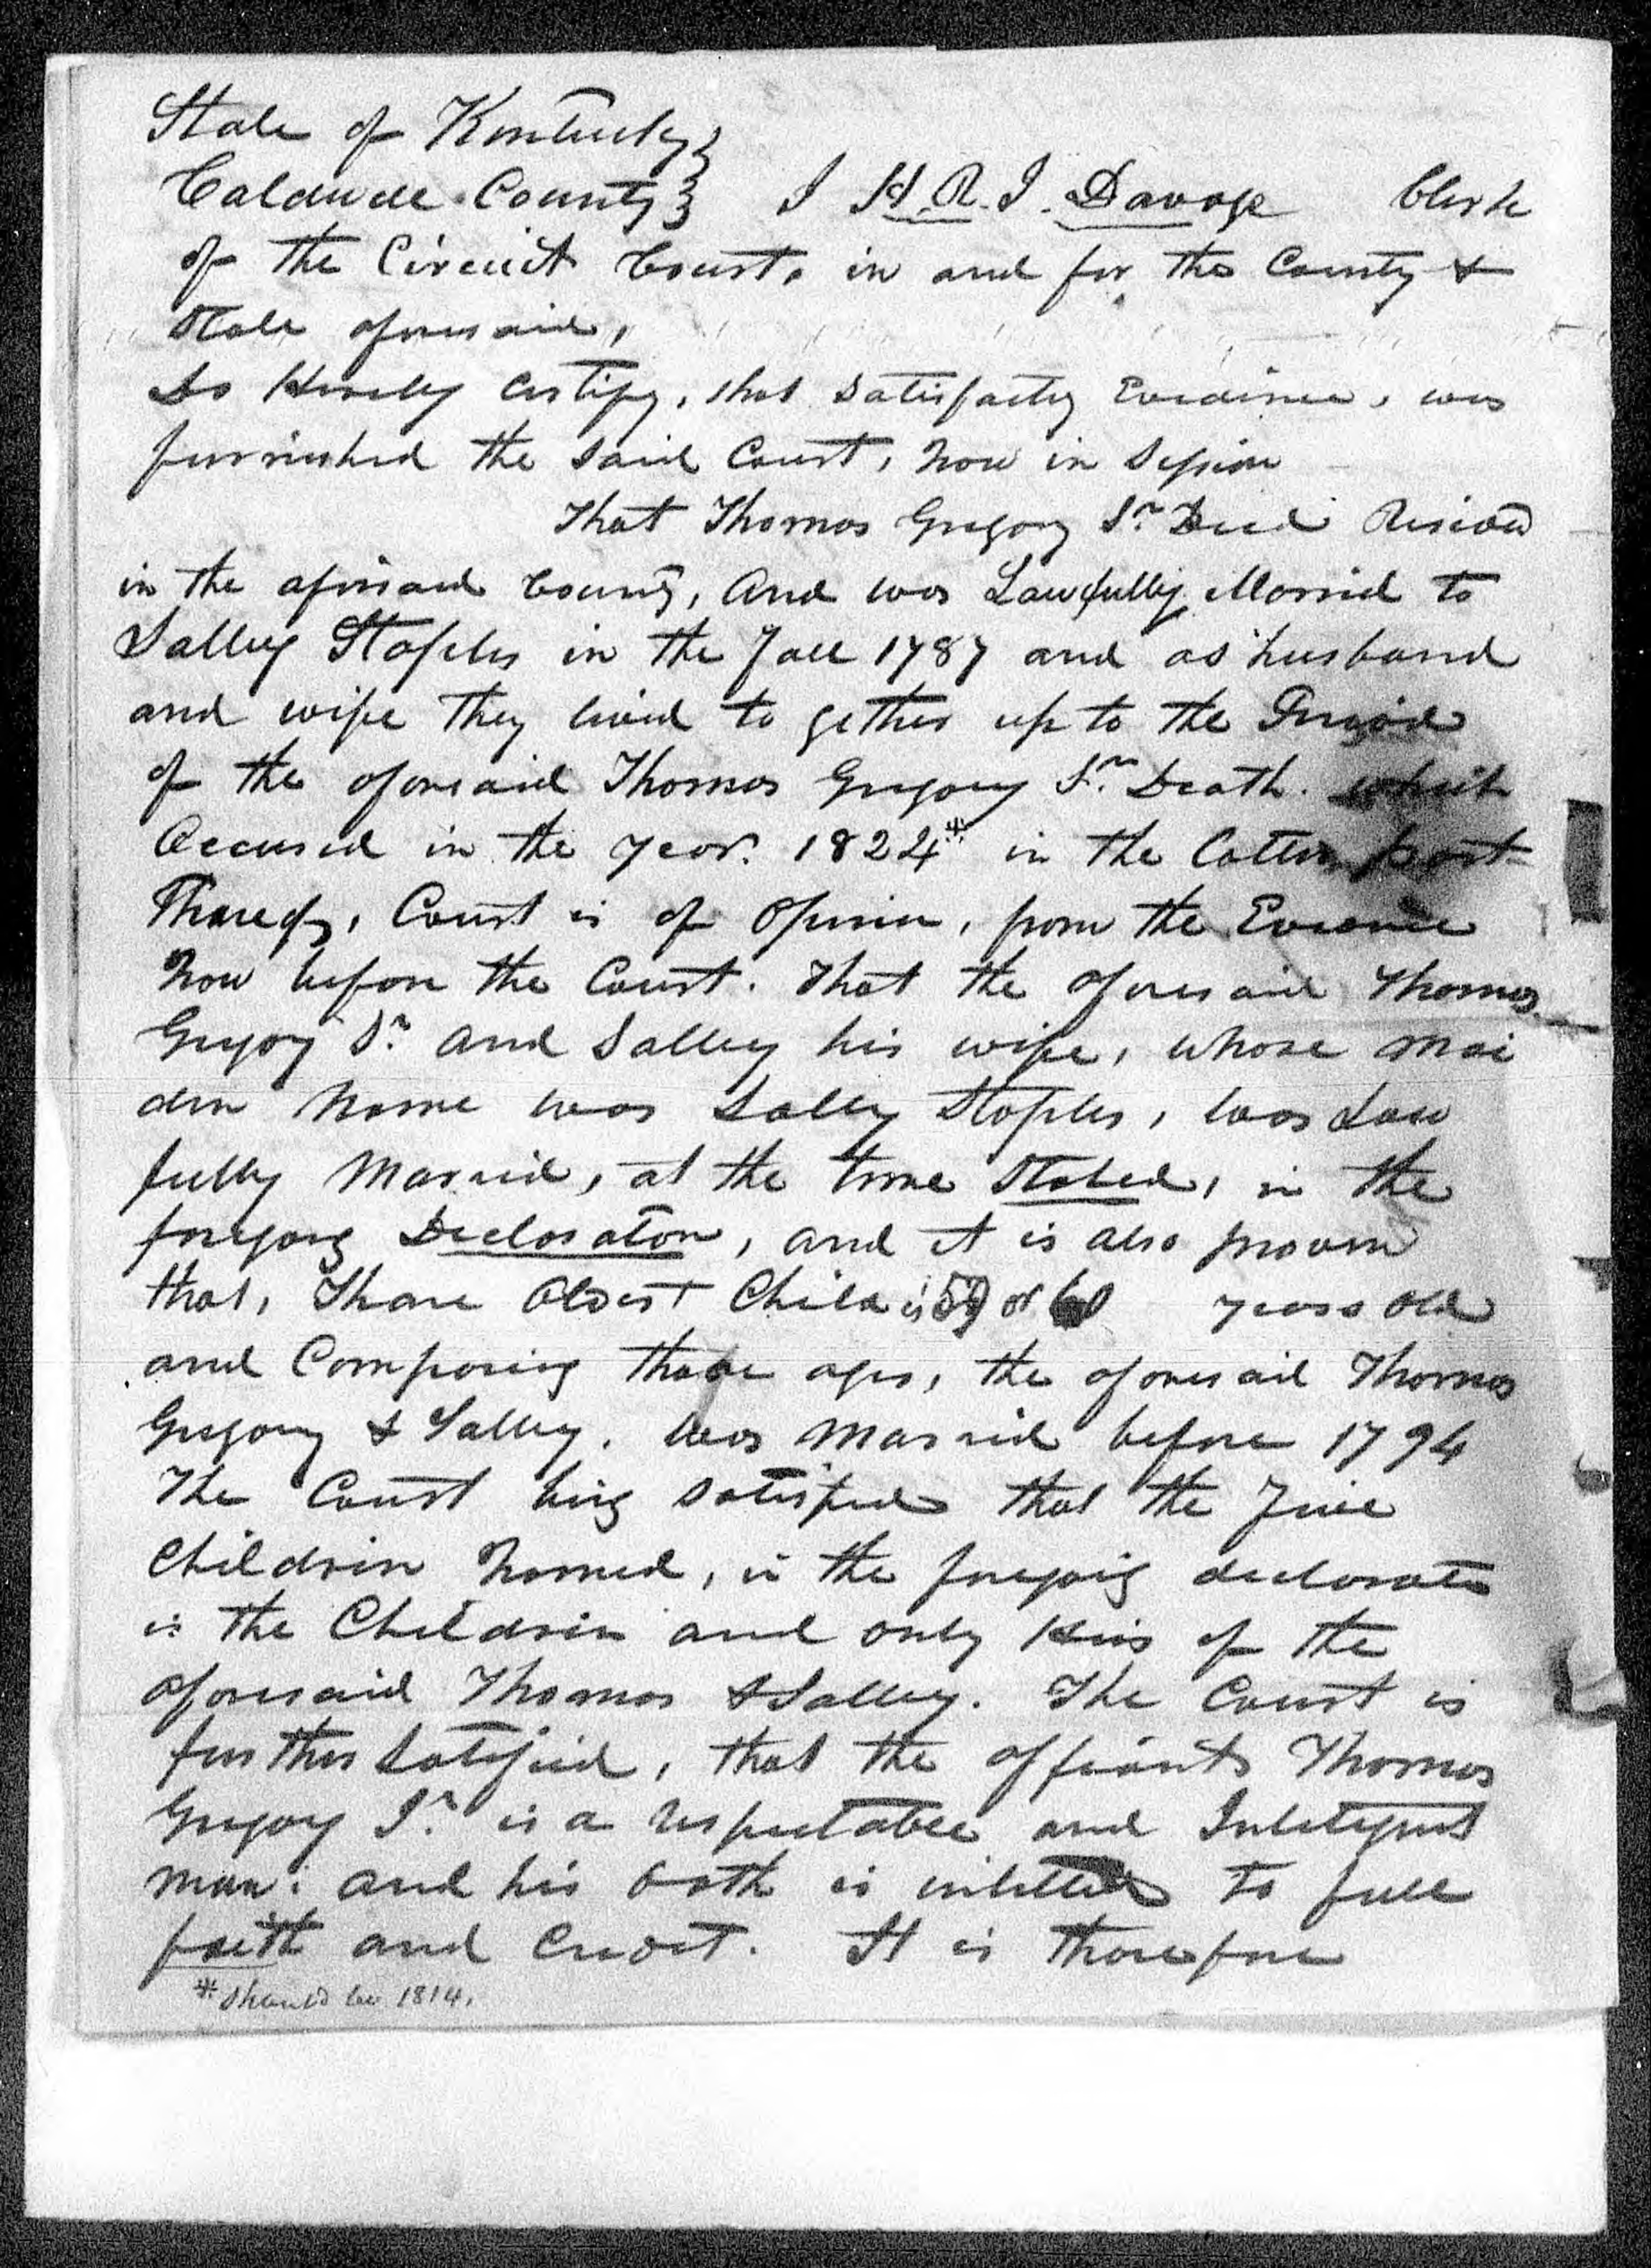State of Kentucky}
Caldwell County  }
I H. R. J. Davage Clerk of the Circuit Court, in and for the county & State aforesaid,
Do Hereby certify, that satisfactry [sic] evidence, was furnished the said court, now in Session
That Thomas Gregory Sr. decd. Resided in the aforesaid County, And was Lawfully Married to Sally Staples in the fall 1787 and as husband and wife they lived to gether up to the Period of the aforesaid Thomas Gregory Sr. death which occurred in the year 1824 * in the [?] thereof,  Court is of opinion, from the Evidence now before the Court, That the aforesaid Thomas Gregory Sr. and Salley his wife, whose maiden name was Sally Staples, was lawfully married, at the time stated, in the forgoing declaration, and it is also proven that, Thare [sic] oldest Child is 59 or 60 years old and Comparing these ages, the aforesaid Thomas Gregory & Salley was married before 1794 The Court being satisfied that the five Children named, in the foregoing declaration is the Children and only Heirs of the aforesaid Thomas & Salley.  The Court is further satisfied, that the affiant Thomas Gregory Jr. is a respectable and Inteligent [sic] man, and his oath is intitled [sic] to full faith and credit.  It is therefore
*should be 1814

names: Thomas Gregory, H R J Davage, Sally Staples, Salley Staples, Salley, Thomas, Thomas Gregory, Thomas Gregory, Salley, Thomas Gregory, Thomas Gregory, Salley Gregory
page: 7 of 75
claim: widow's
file: W. 8876, Thomas Gregory, Continental Va